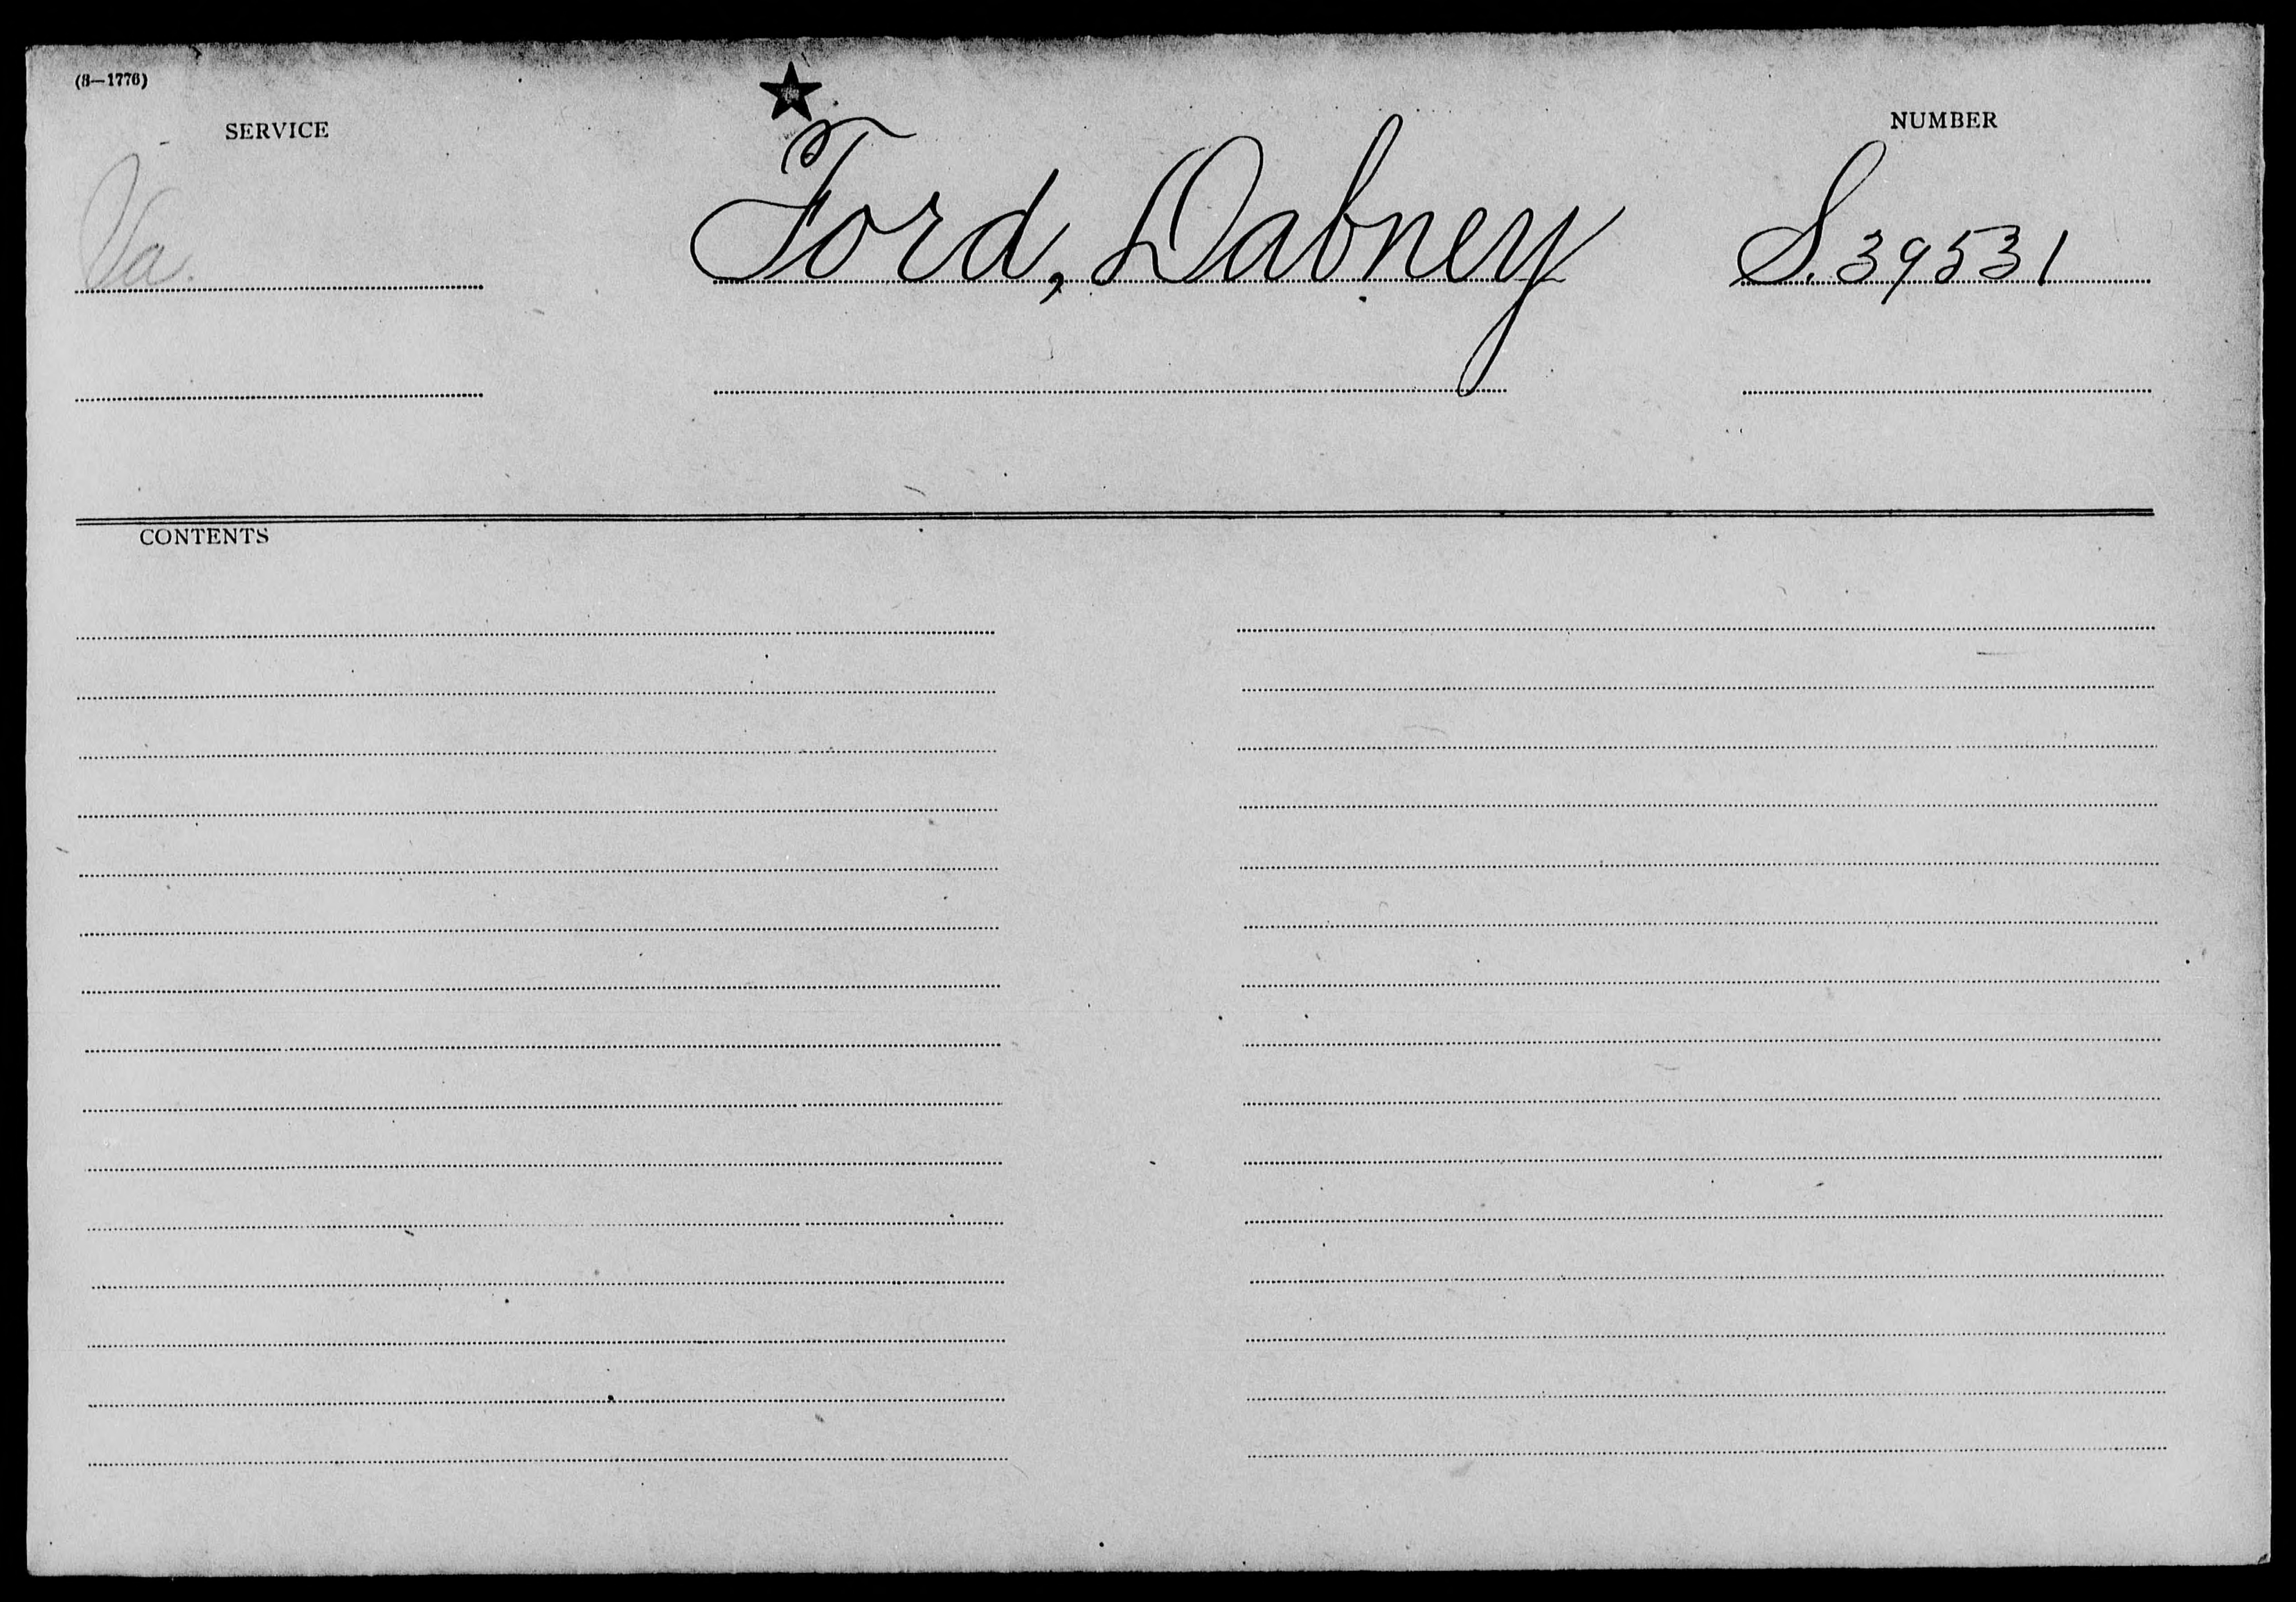(3-1776)
SERVICE
Va
*Ford, Dabney
NUMBER
S. 39531

CONTENTS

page: 1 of 11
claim: survivor's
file: S. 39531, Dabney Ford, Va.